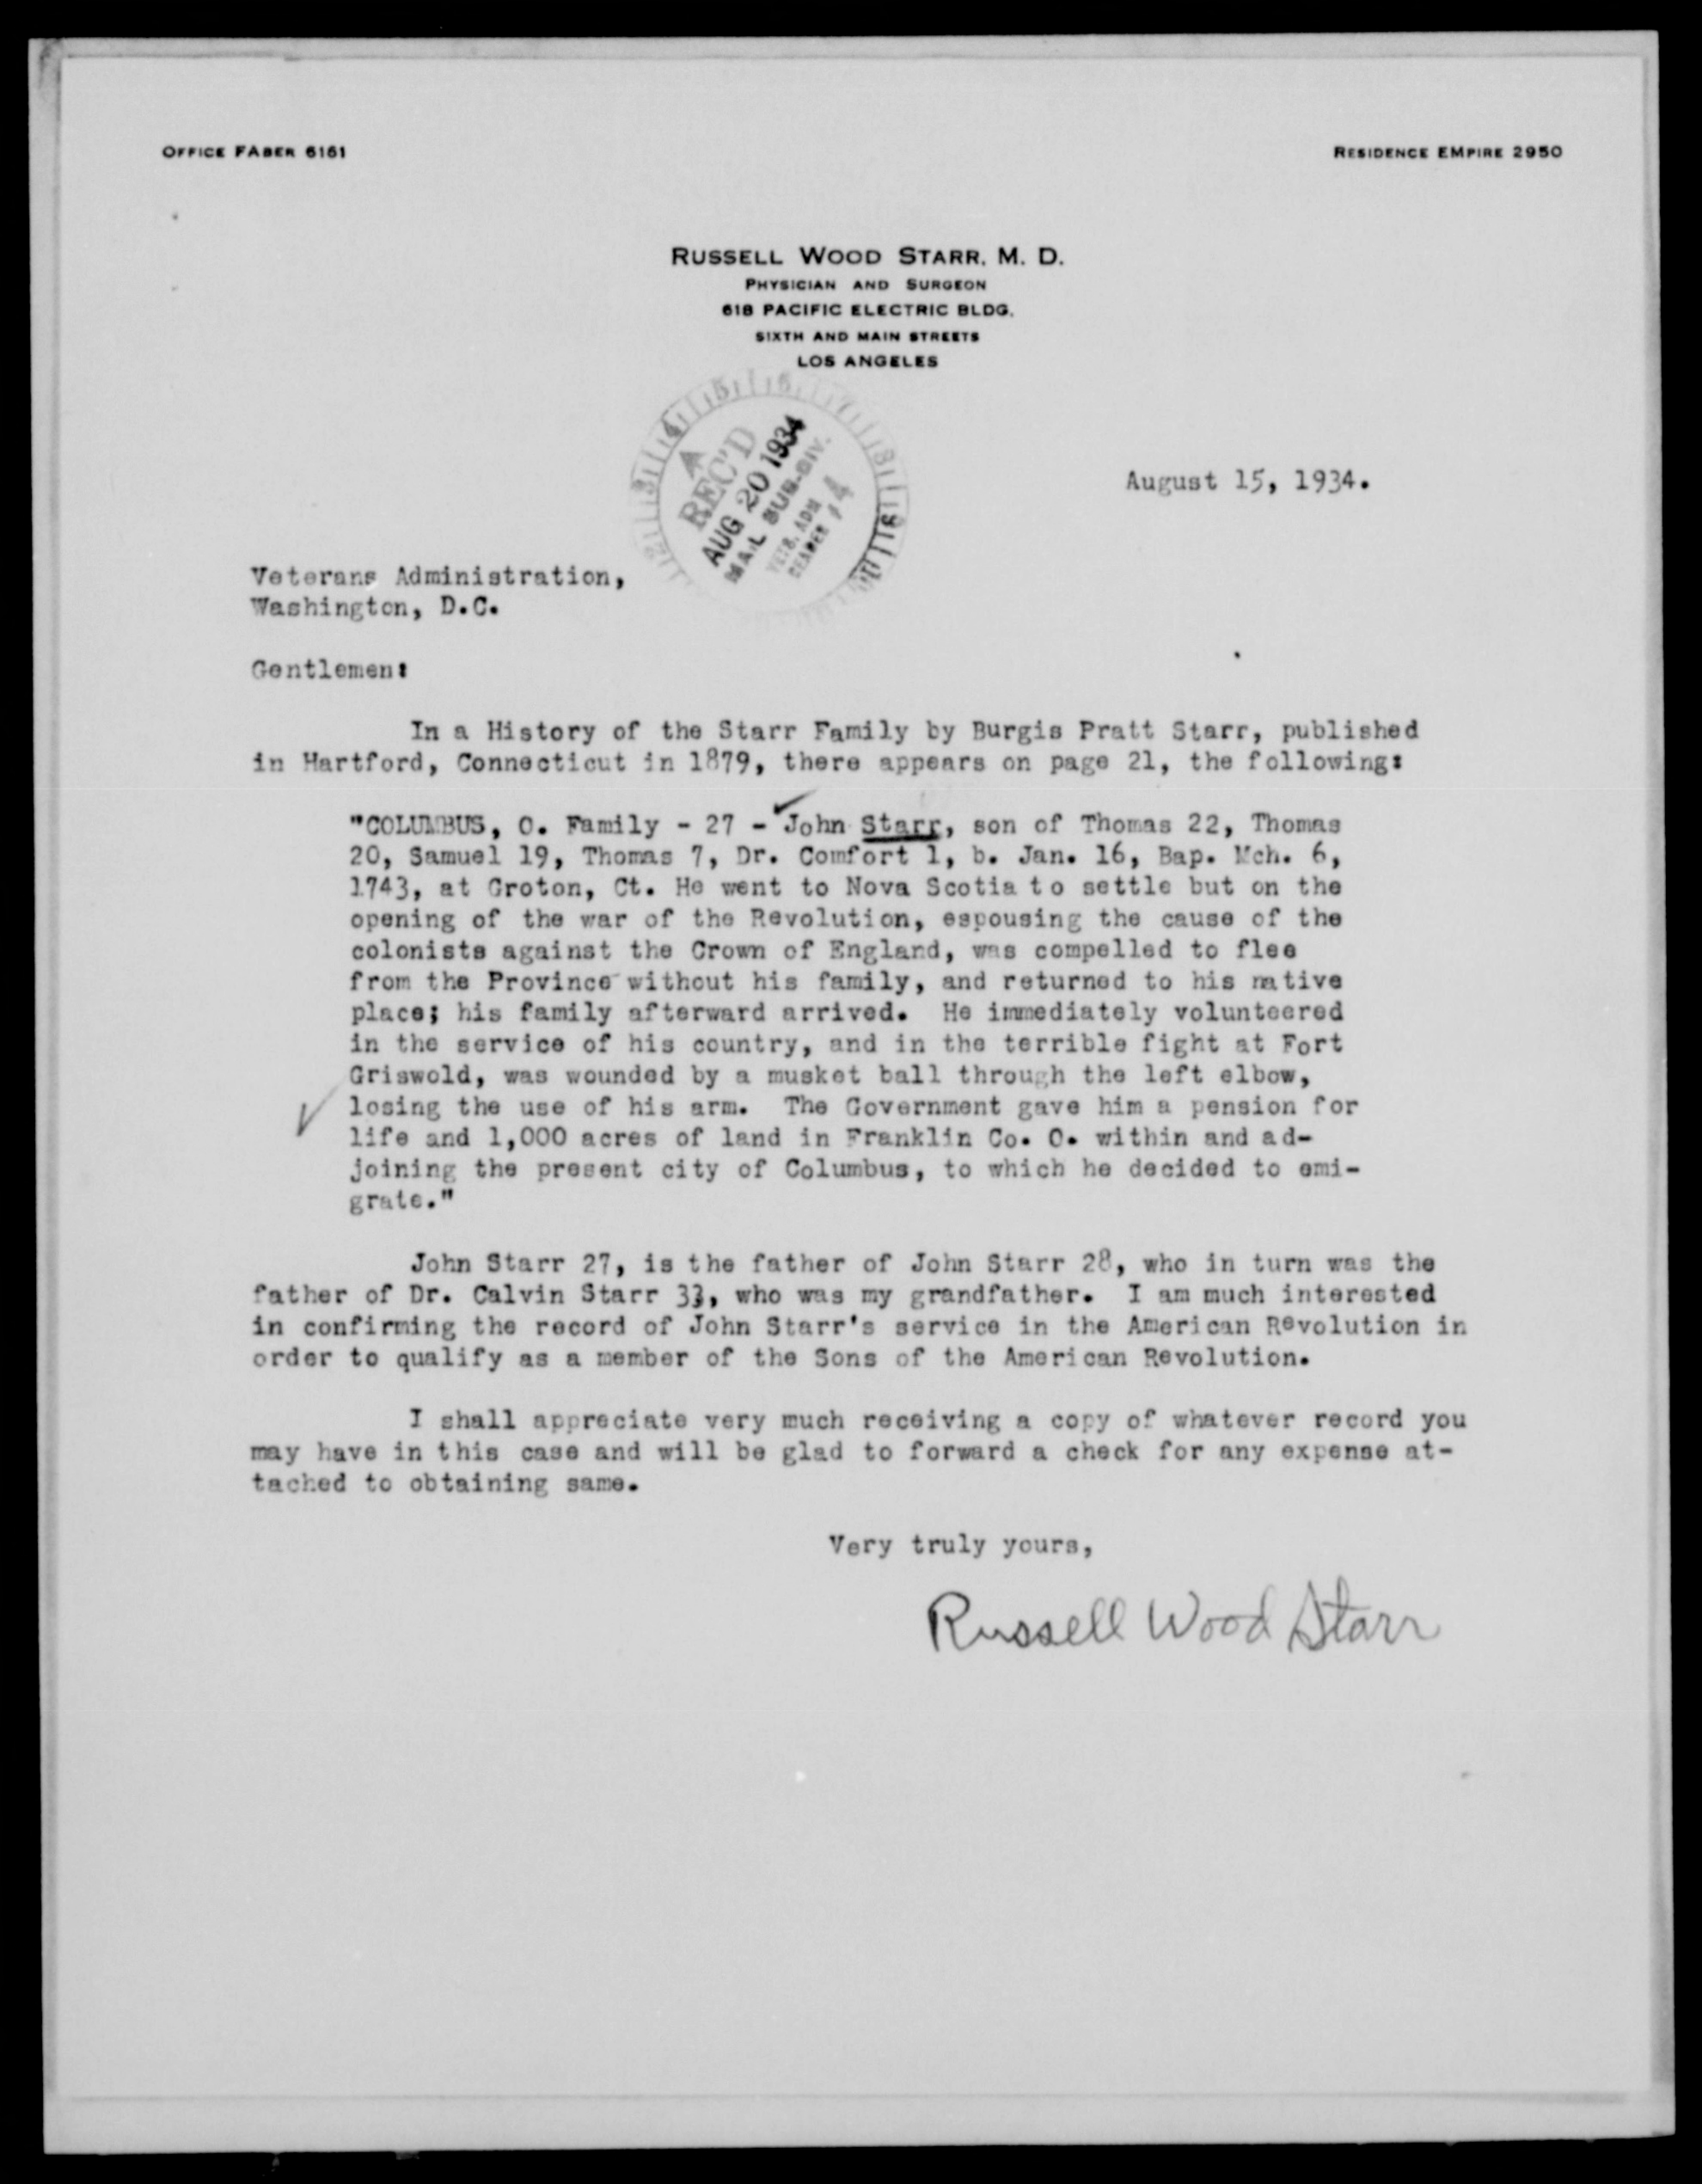RUSSELL WOOD STARR, M. D.
PHYSICIAN AND SURGION
SIS PACIFIC ILECTRIC BLDG.
SIXTH AND MAIN STREETS
LOS ANGELES
                                                        August 15, 1934.

Veterans Administration,
Washington, D.C.

Gentlemen:
In a History of the Starr Family by Burgis Pratt Starr, published in
Hartford, Connecticut in 1879, there appears on page 21, the following:
"COLUMBUS, O. Family - 27 John Starr, son of Thomas 22, Thomas
20, Samuel 19, Thomas 7, Dr. Comfort 1, b. Jan. 16, Bap. Mch. 6,
1743, at Groton, Ct. He went to Nova Scotia to settle but on the
opening of the war of the Revolution, espousing the cause of the
colonists against the Crown of England, was compelled to flee
from the Province without his family, and returned to his native
place; his family afterward arrived. He immediately volunteered
in the service of his country, and in the terrible fight at Fort
Griswold, was wounded by a musket ball through the left elbow,
losing the use of his arm. The Government gave him a pension for
life and 1,000 acres of land in Franklin Co. O. within and adjoining
the present city of Columbus, to which he decided to emi-
grate."
John Starr 27, is the father of John Starr 28, who in turn was the
father of Dr. Calvin Starr 33, who was my grandfather. I am much interested
in confirming the record of John Starr's service in the American Revolution in order to qualify as a member of the Sons of the American Revolution.
I shall appreciate very much receiving a copy of whatever record you
may have in this case and will be glad to forward a check for any expense attached to obtaining same.
Very truly yours,
Russell Wood Starr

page: 3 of 7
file: for John Starr, Connecticut